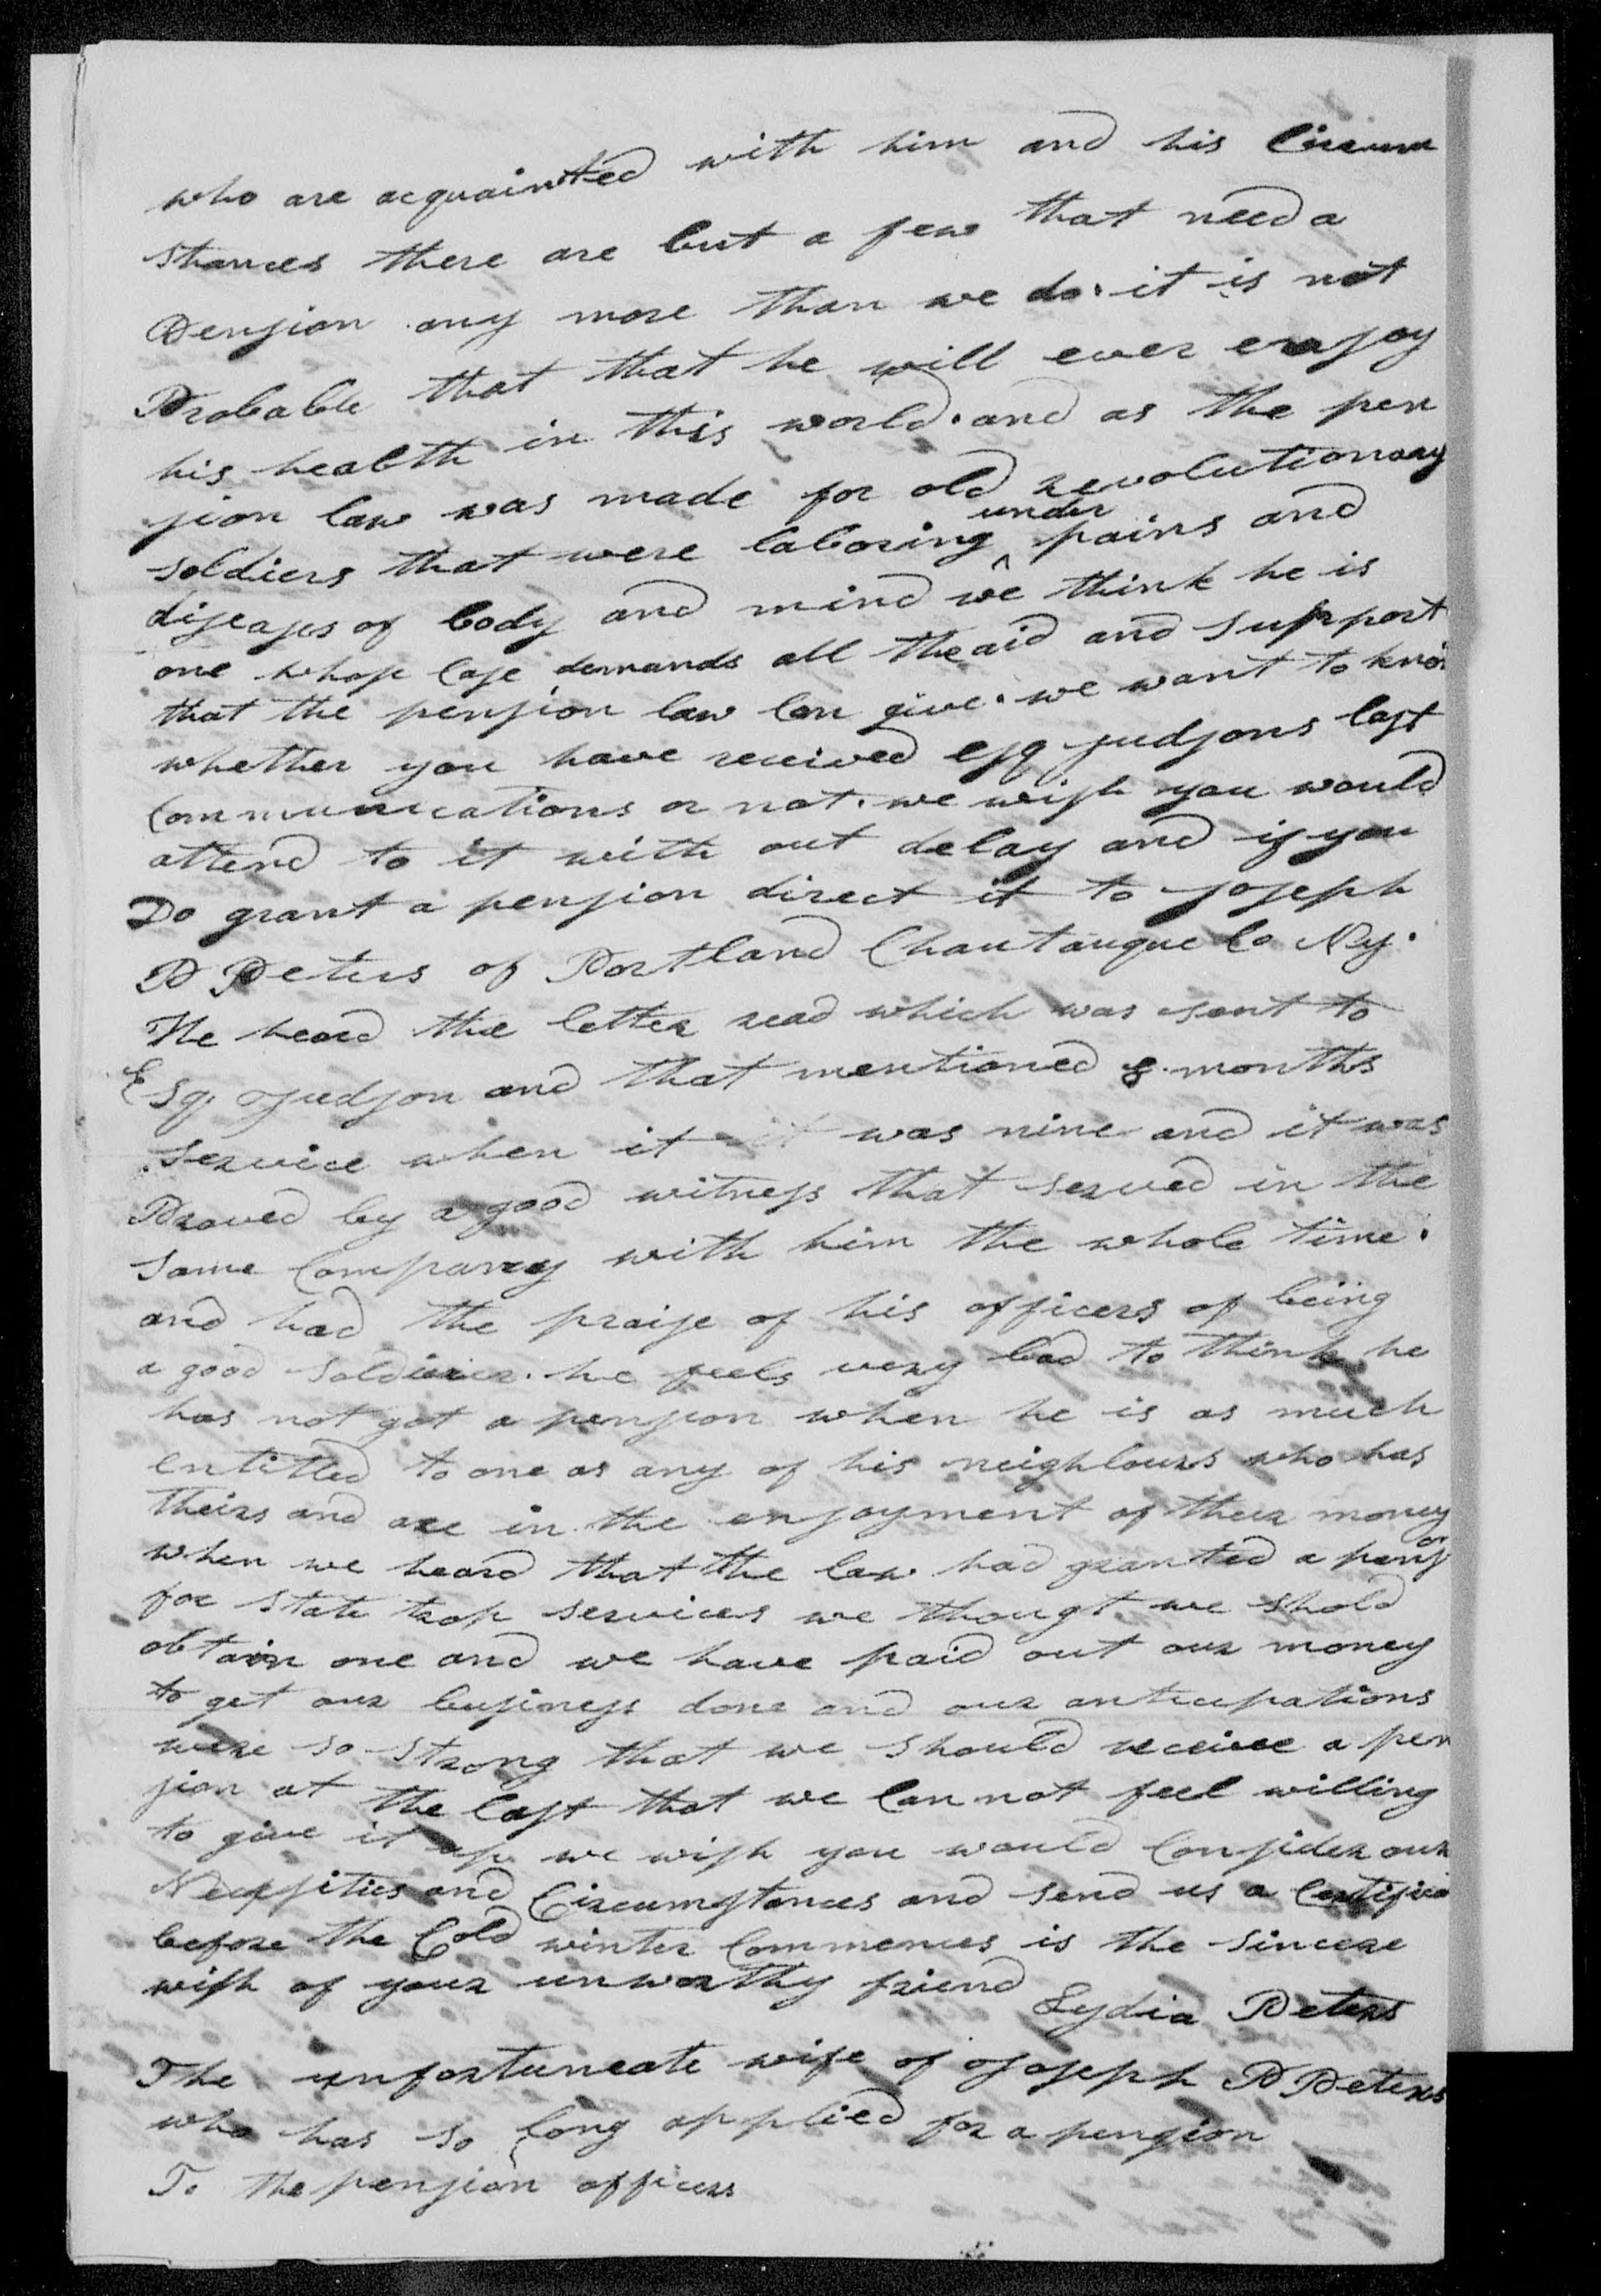who are acquainted with him and his circumstances there are but a few [unreadable] that need a Pension any more than we do.  It is not Probable that that he will ever enjoy his health in this world and as the pension law was made for old revolutionary soldiers that were laboring under pains and diseases of body and mind we think he is one whose case demands all the aid and support that the pension law can give.  We want to know  whether you have received Esq Judsons last communications or not, we wish you would attend to it with out delay and if you Do grant a pension direct it to Joseph Peters of Portland Chautauqua Co NY.   He heard the letter read which was sent to Esq Judson and that mentioned 8 months service when it was nine and it was Proved by a good witness that served in the same Company with him the whole time and had the praise of his officers of being a good soldier.  He feels very bad to think he has not got a pension when he is as much entitled to one as any of his neighbours who has theirs and are in the enjoyment of their money when we heard that the law had granted a pension for State team service we though we should obtain one and we have paid out our money to get our business done and our anticipations were so strong that we should receive a pension at the last that we cannot feel willing to give it up.  We wish you would consider our Necessities and circumstances and send us a certificate before the Cold winter commences is the sincere wish of your unworthy friend. 
Lydia Peters 
The unfortunate wife of Joseph P Peters who has so long applied for a pension. 
To the pension officers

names: Joseph P Peters; Lydia Peters; [BLANK] Judson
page: 54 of 73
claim: widow's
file: W. 2338, for Joseph P Peters, Connecticut